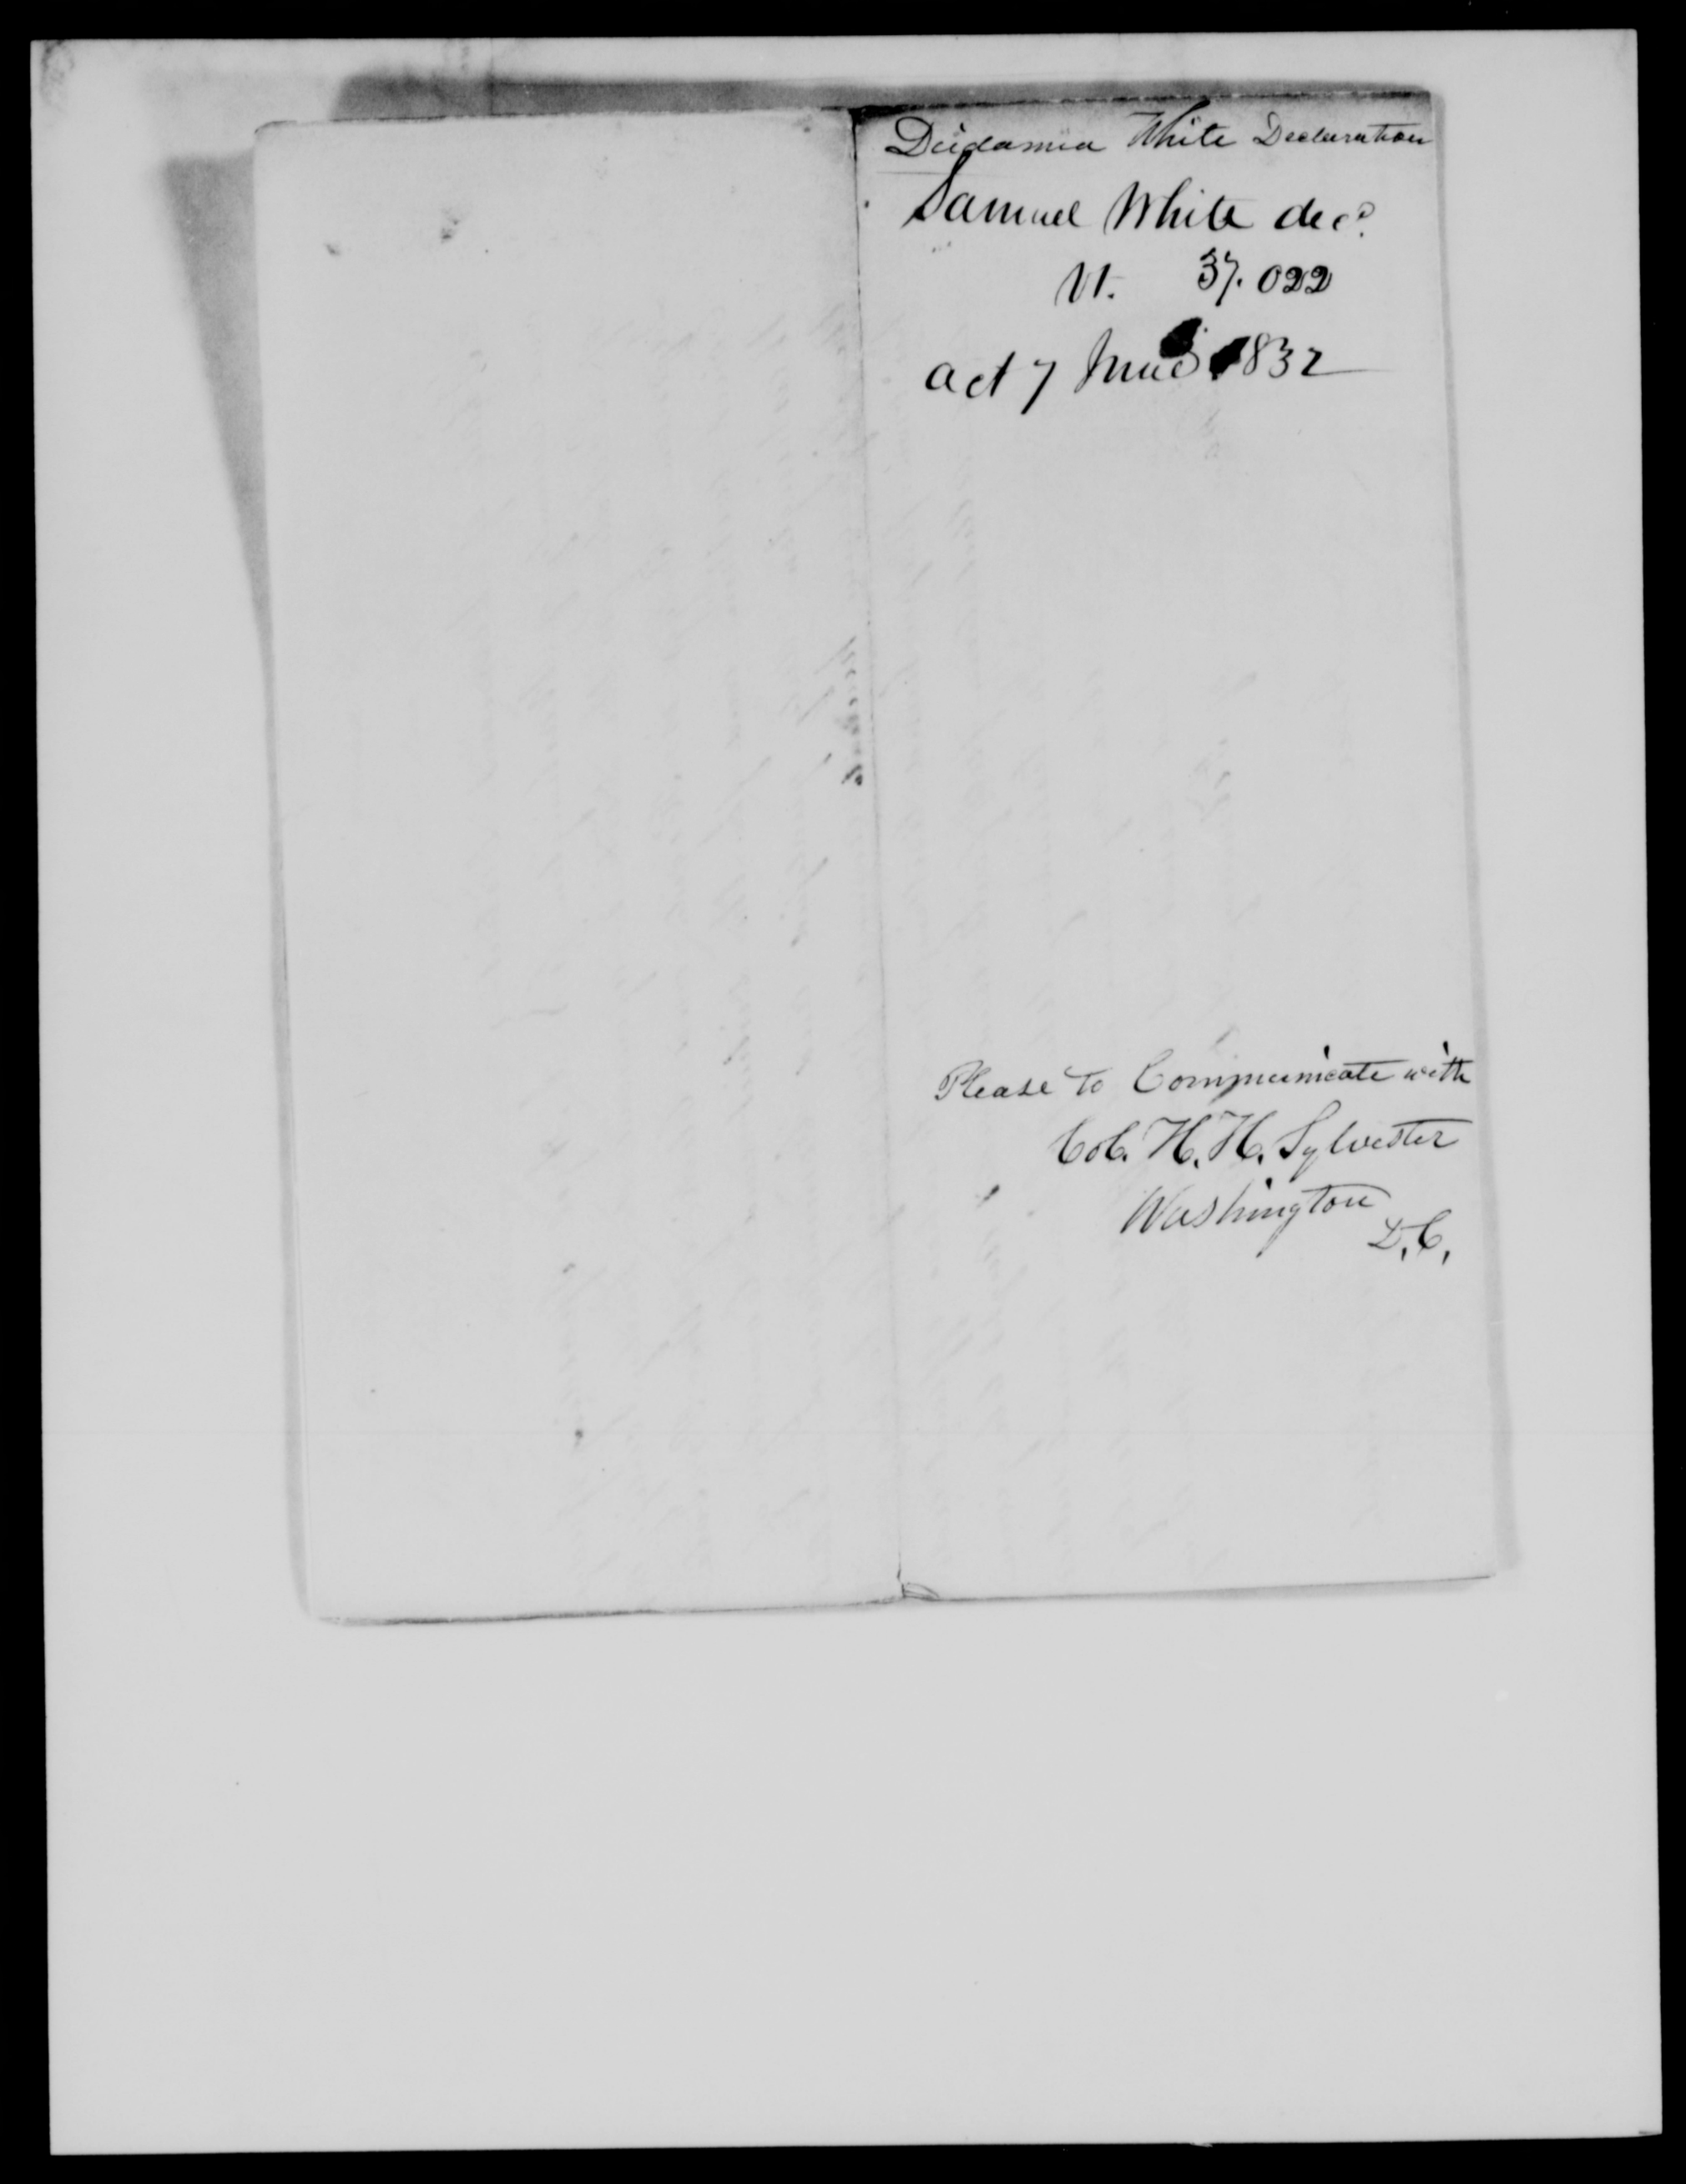Deidamia White declaration
Samuel White dec'd.
Vt. 37.022
Act 7 June 1832

Please to Communicate with
Col. H. H. Sylvester
Washington, D. C.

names: Samuel White, Deidamia White, H H Sylvester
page: 11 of 79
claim: survivor's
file: S. 11759, Samuel White, Mass.